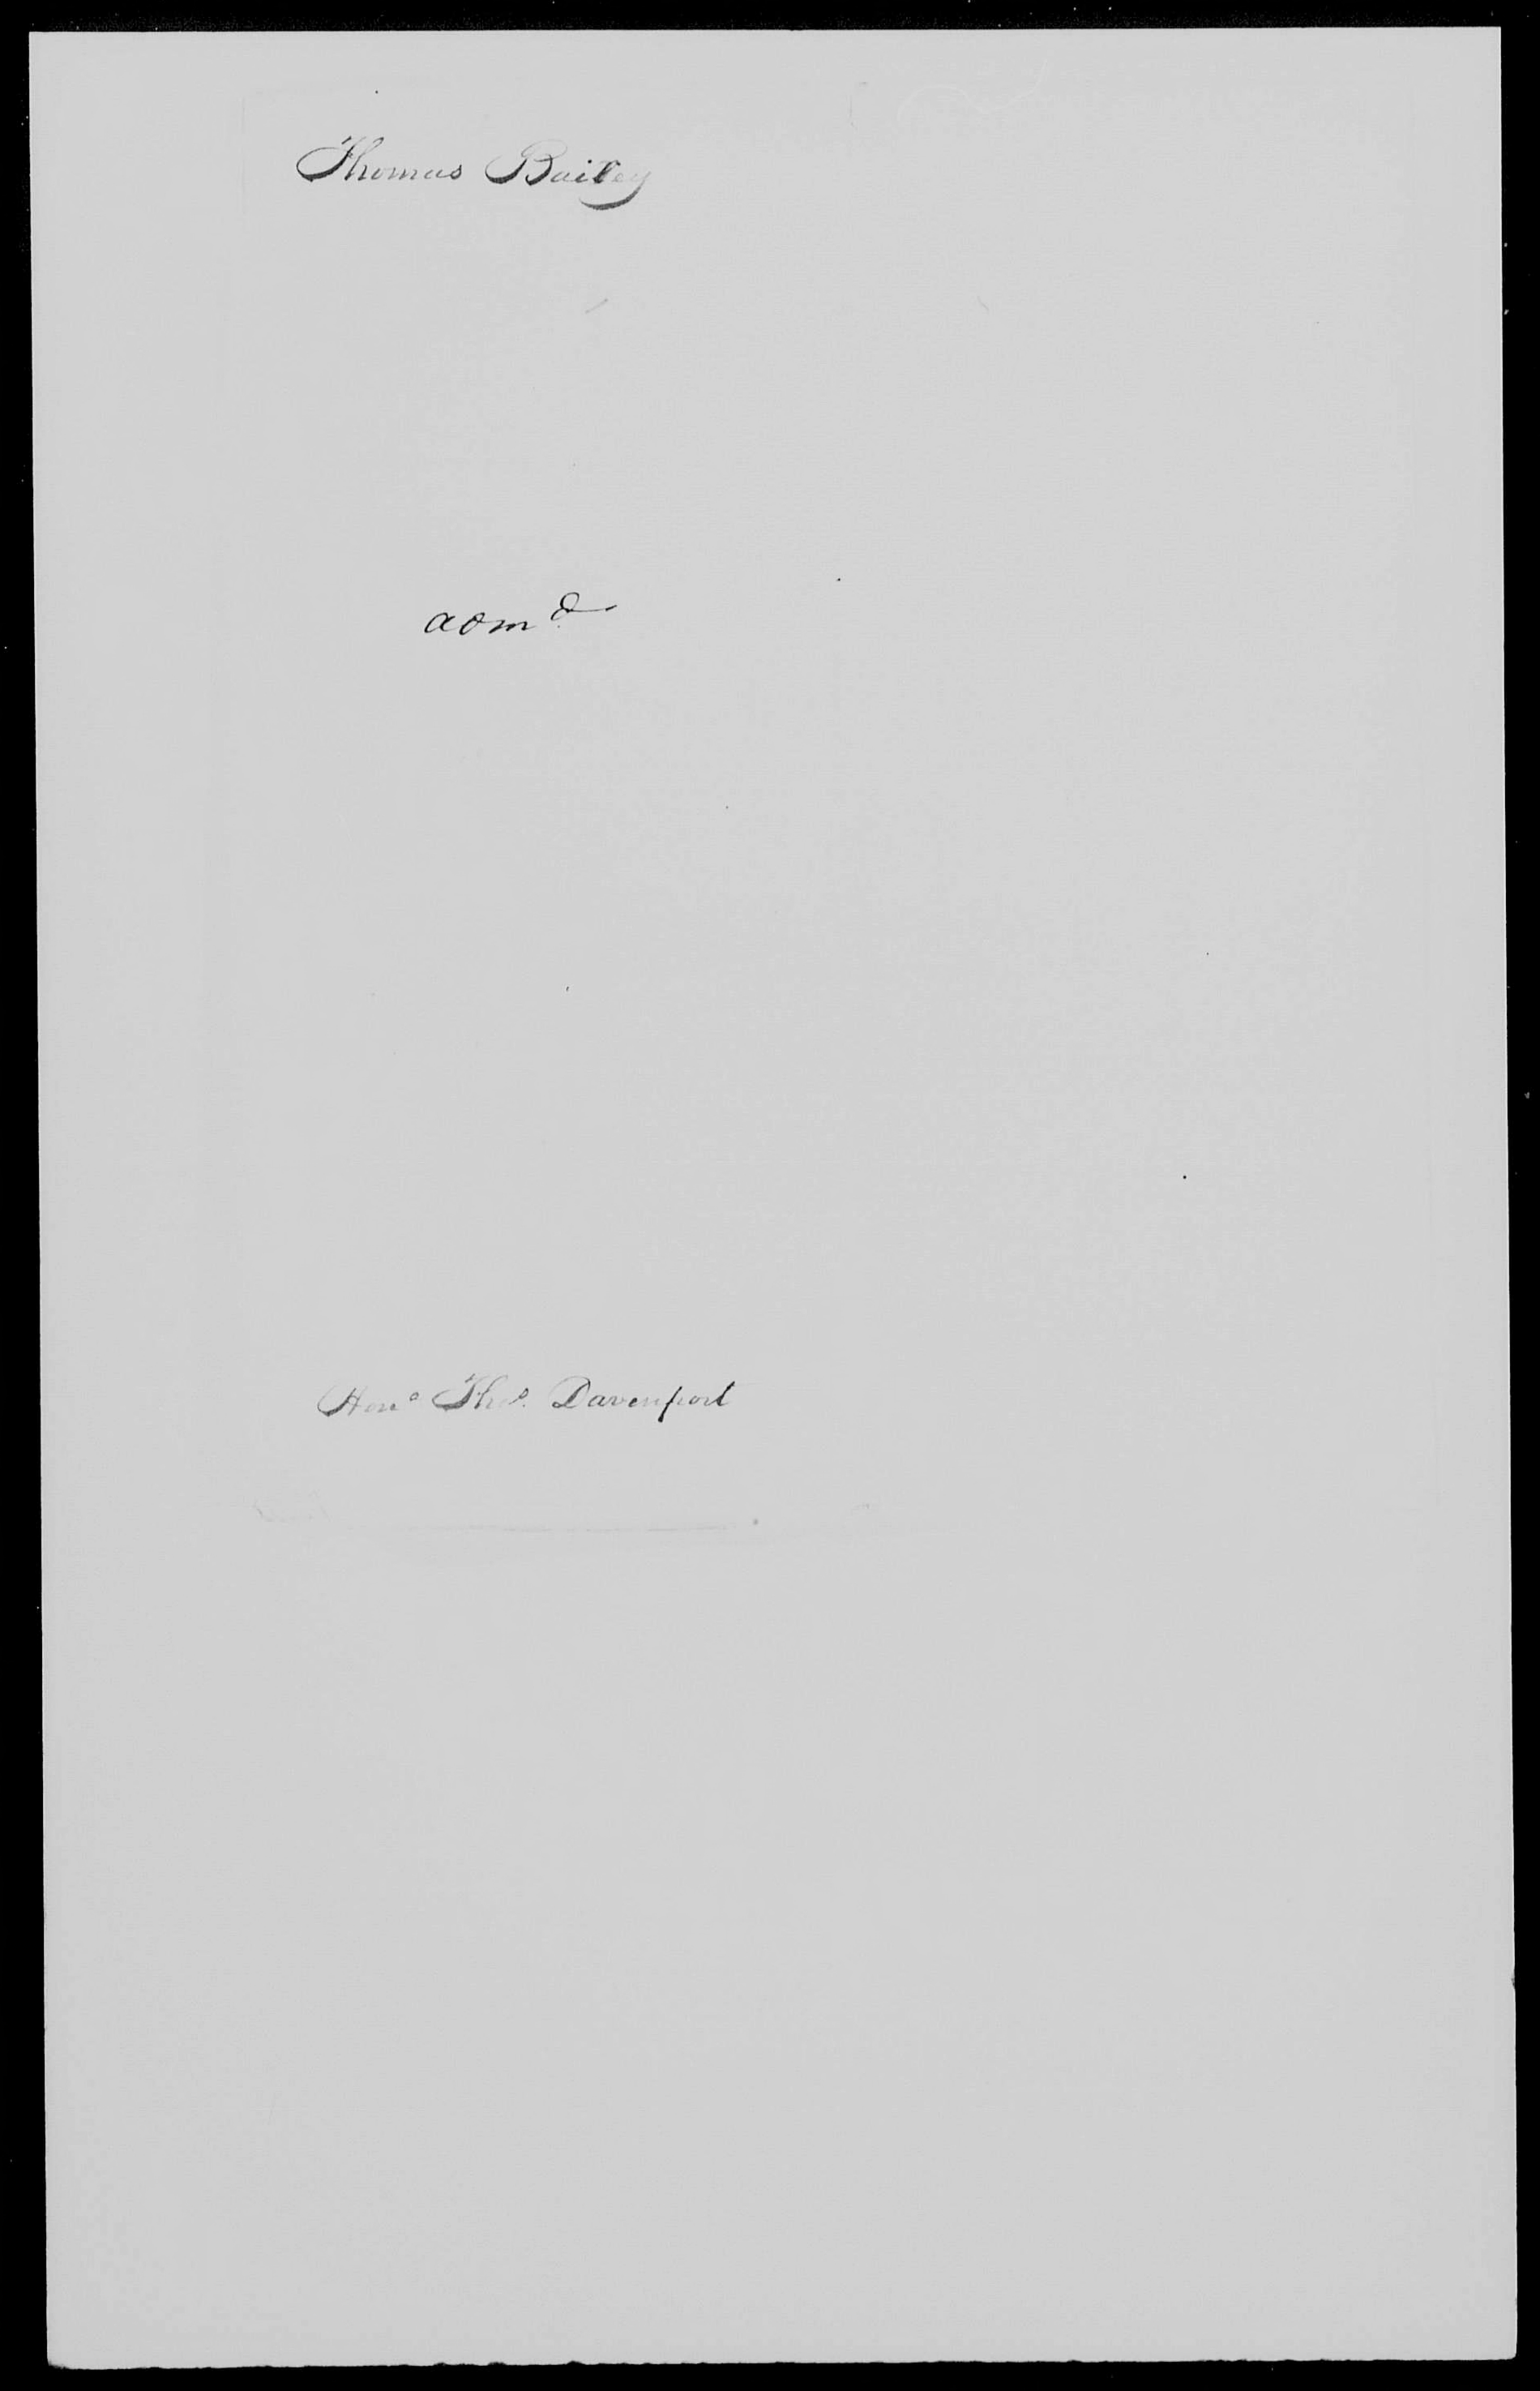Thomas Bailey

adm'd


Hon. Thos. Davenport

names: Thos Davenport, Thomas Bailey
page: 3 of 18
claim: survivor's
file: S. 6578, Thomas Bailey, Va.